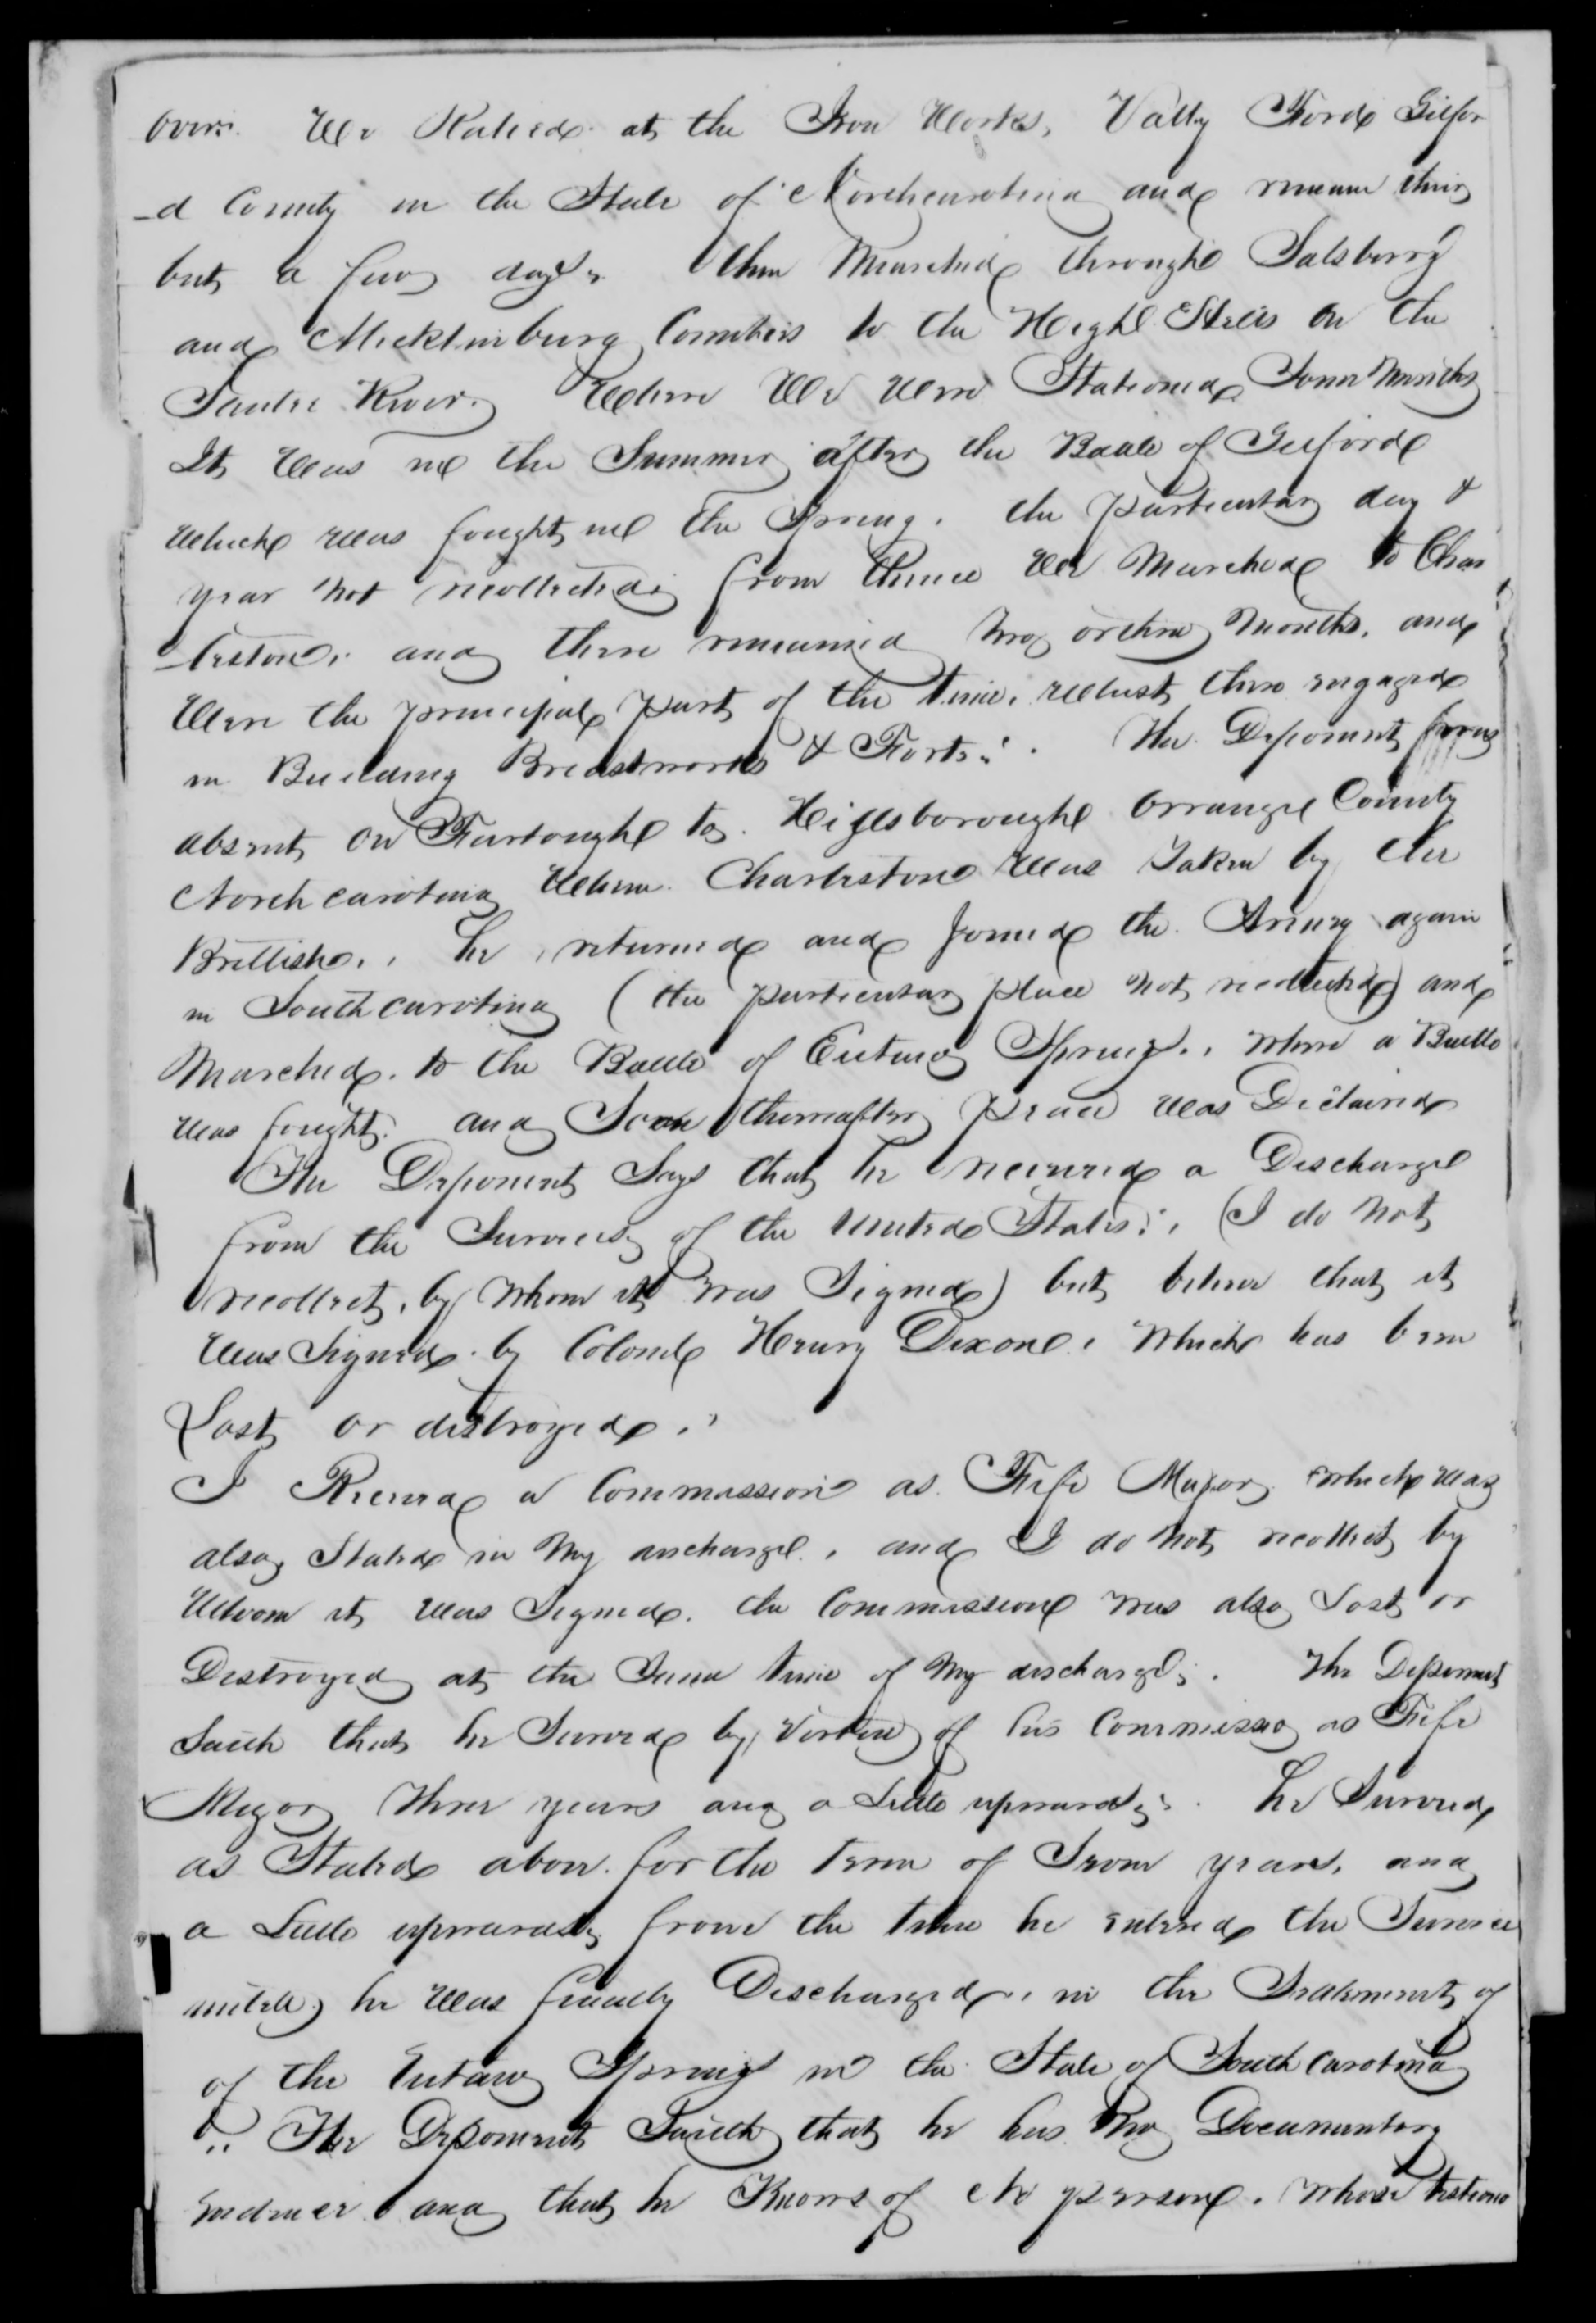Over. We Rallied at the Iron Works, Vally
Ford Gilford
County in the State of North Carolina and remained there
but a few days then marched through Salsbury
and Mecklenburg, Counties to the High Hills on the
Santee River where we were stationed [illegible]Months
It was in the Summer after the Battle of Gilford
which was fought in the spring, the particular day &
year not recollected from thence we marched to Charleston, and there remained two or three months, and
when the principal part of the time, recollects there engaged
in Building Bridgeworks & Forts:  the Deponent [illegible]
absent on Furlough to Hillsborough Orange County when Charleston was taken by the
British he returned and joined the Army again
in South Carolina the particular place not recollect and
Marched to the Battle of Eutaw
Springs, where a Battle ┃
was fought and soon thereafter after peace was declared
The Deponent says that he received  a Discharge
from the Services of the United States. (I do not
recollect, by whom it was signed) but believes that it was
Signed by Colonel Henry Dixon, which has been
last or destroyed,
I Received a Commission as fifth Major which was
also stated in my discharged, and I do not recollect by
whom it was signed the Commission was also lost or
Destroyed at the same time of my discharge
The Deponent
Saith that he served by virtue of his commission Fifth
Major Three years and a little upwards. He served
as stated above for the term of Seven years, and
a little upwards from the time he entered the Service initially he was finally discharged in the Statements of
of the Eutaw Springs in the State of South Carolina
& The Deponent Saith that he has no documentary
evidence and that he knows of no person whose testimony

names: Henry Dixon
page: 8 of 25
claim: survivor's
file: S. 31,993, for Jacob Stillwell, North Carolina